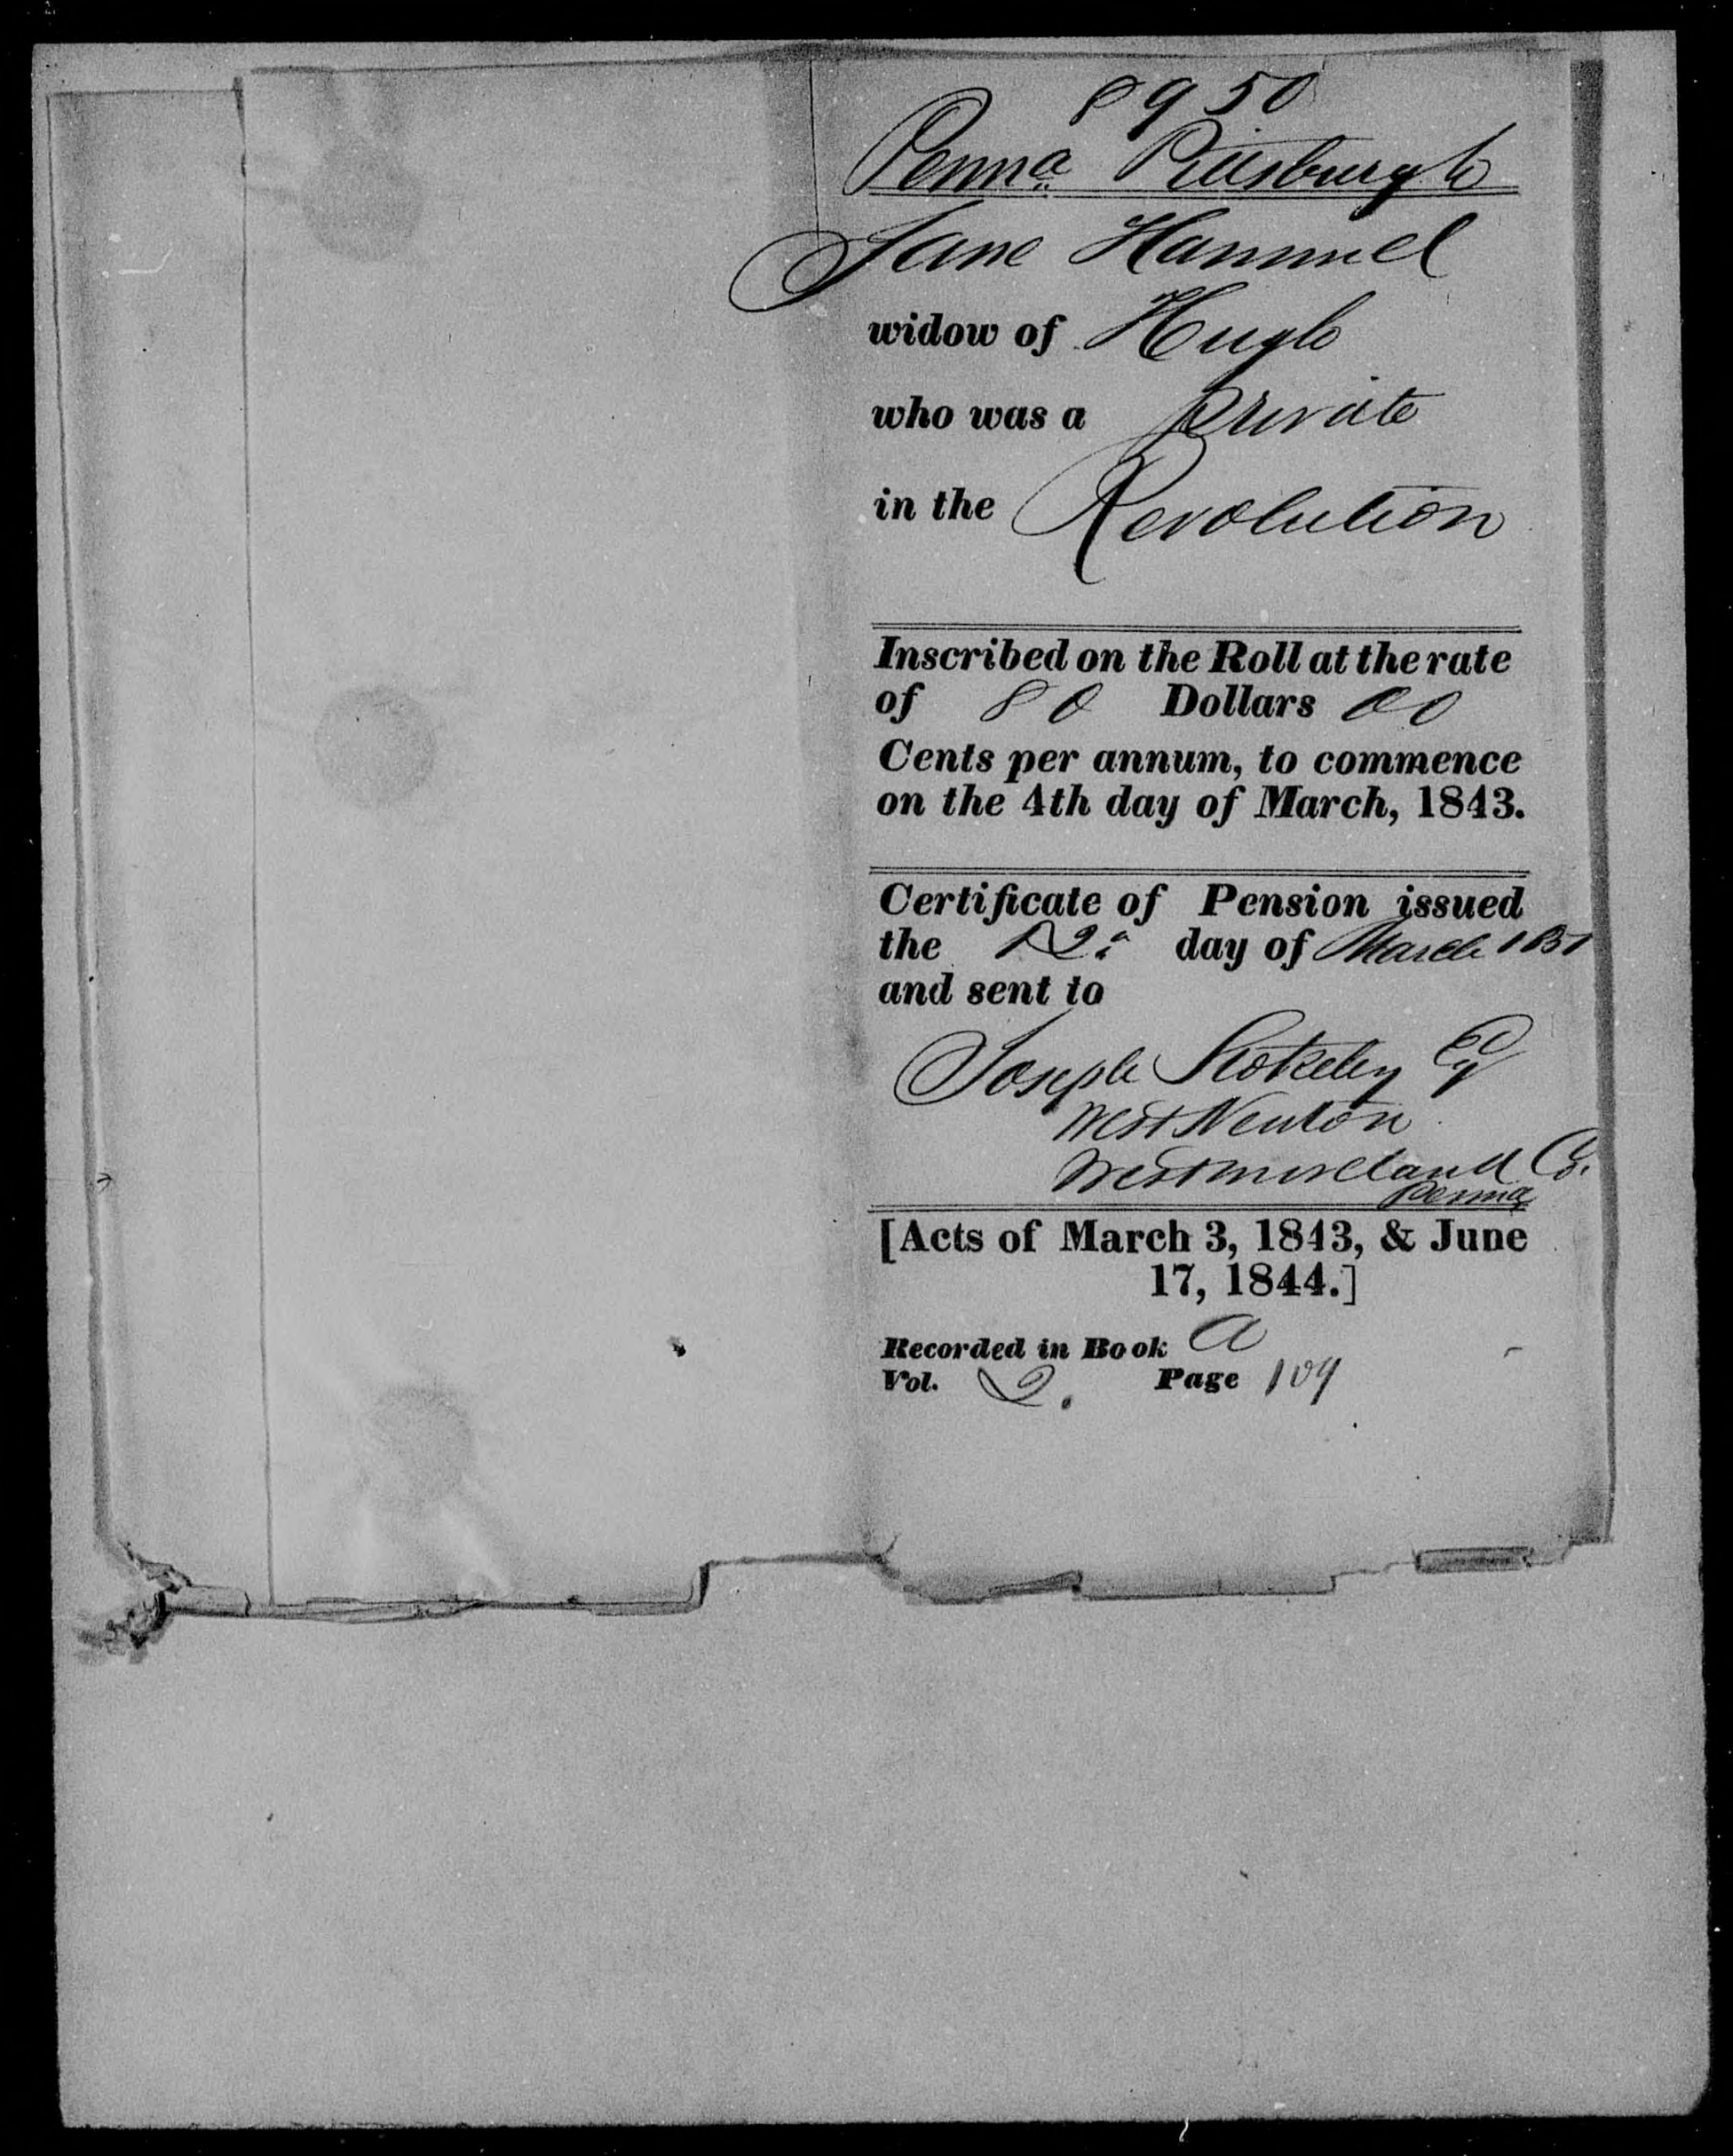)950

Penna Pittsburgh
Jane Hammel
widow of Hugh
who was a private
in the Revolution

Inscribed on the Roll at the rate 
of 80 dollars 00
cents per annum, to commence
on the 4th day of March, 1843.

Certificate of Pension issued
the 12th day of March 1837
and sent to

   Joseph Stokely Esq
   West Newton
   Westmoreland Co, Penn'a

{Acts of March 3, 1843, & June 
                    17, 1844.}
recorded in Book a
Vol. 2,  Page 109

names: Hugh Hammel, Joseph Stokeley, Jane Hammel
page: 92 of 92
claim: widow's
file: W 1173, Robert Hamill, Penn.